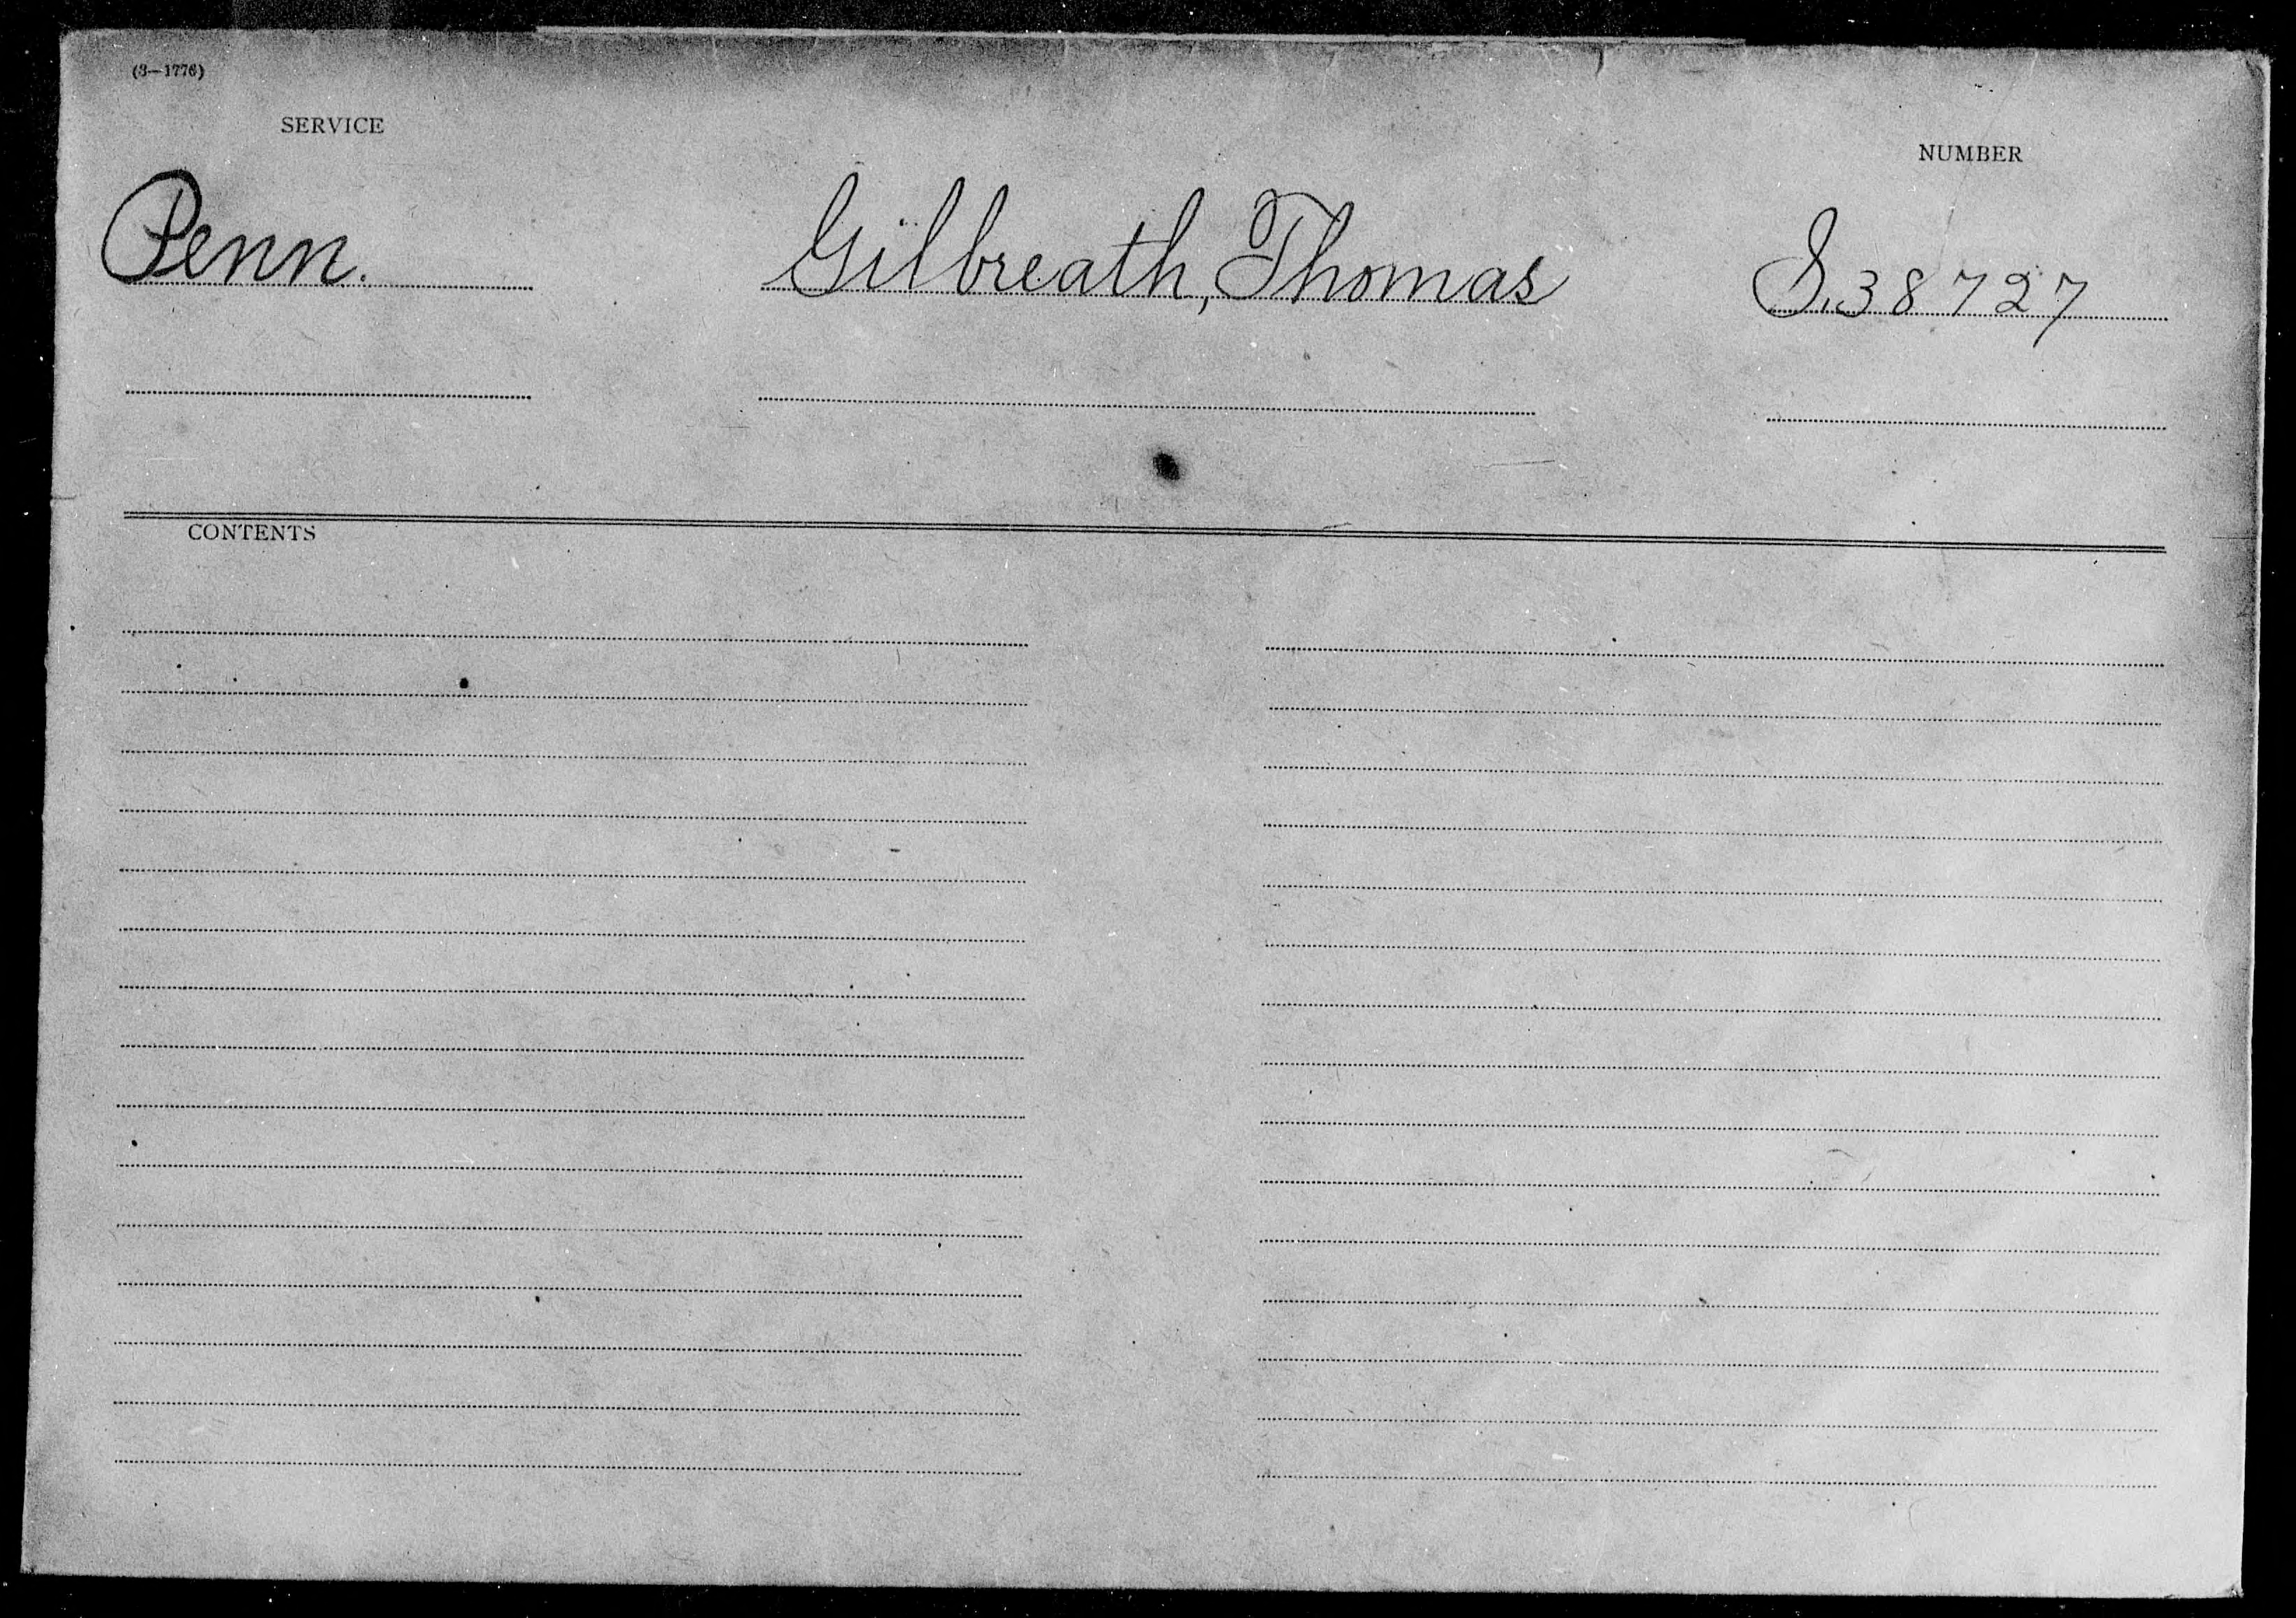(3-1776)

SERVICE  
Penn.       

Gilbreath, Thomas   

NUMBER
S.38727

CONTENTS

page: 1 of 24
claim: survivor's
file: S. 38727, Thomas Gilbreath, Penn.